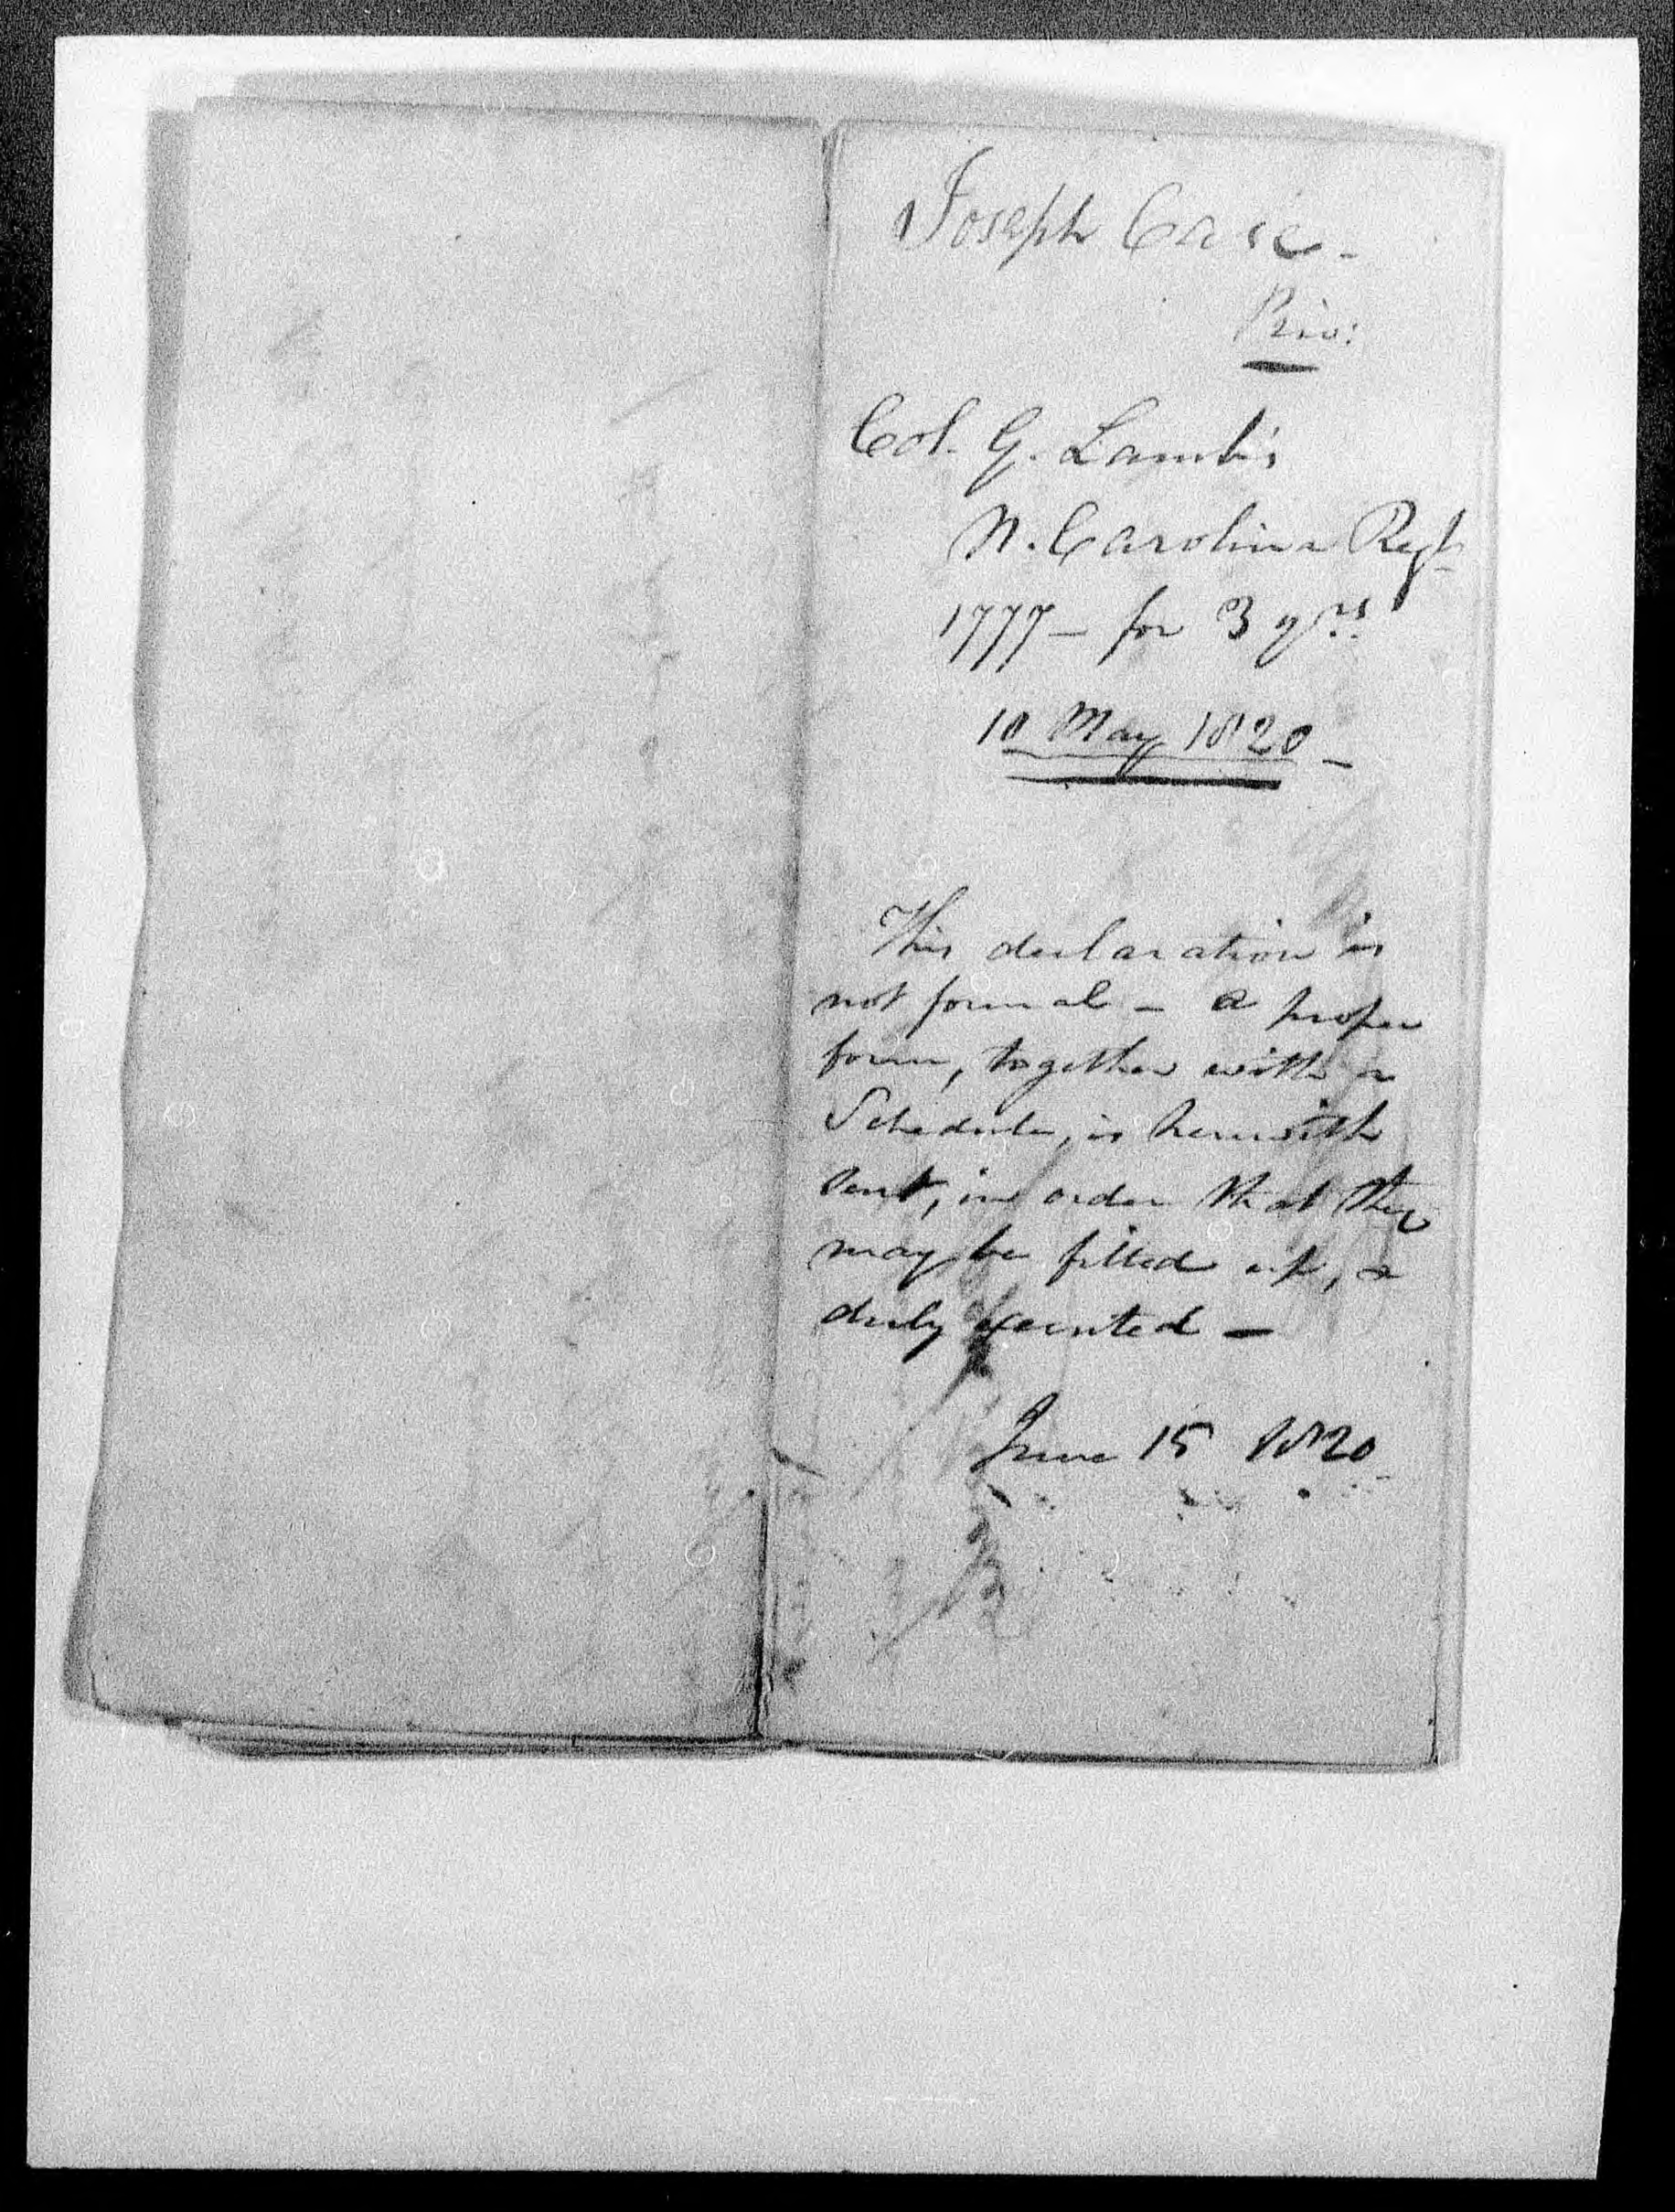Joseph Case 
Regiment commanded by Colonel G. Lamb of the N. Carolina line, 1777 for the term of 3 years.

Inscribed on the Roll of North Caroline at a rate of 8 Dollars per month, to commence on the 10th of May, 1820.

This declaration is not formal - In proper forum, together with the Schedule, in order that they may be fitted out, and already affirmed.

June 15, 1820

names: G Lamb, Joseph Case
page: 3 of 20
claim: survivor's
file: S. 41472, Joseph Case, N.C.